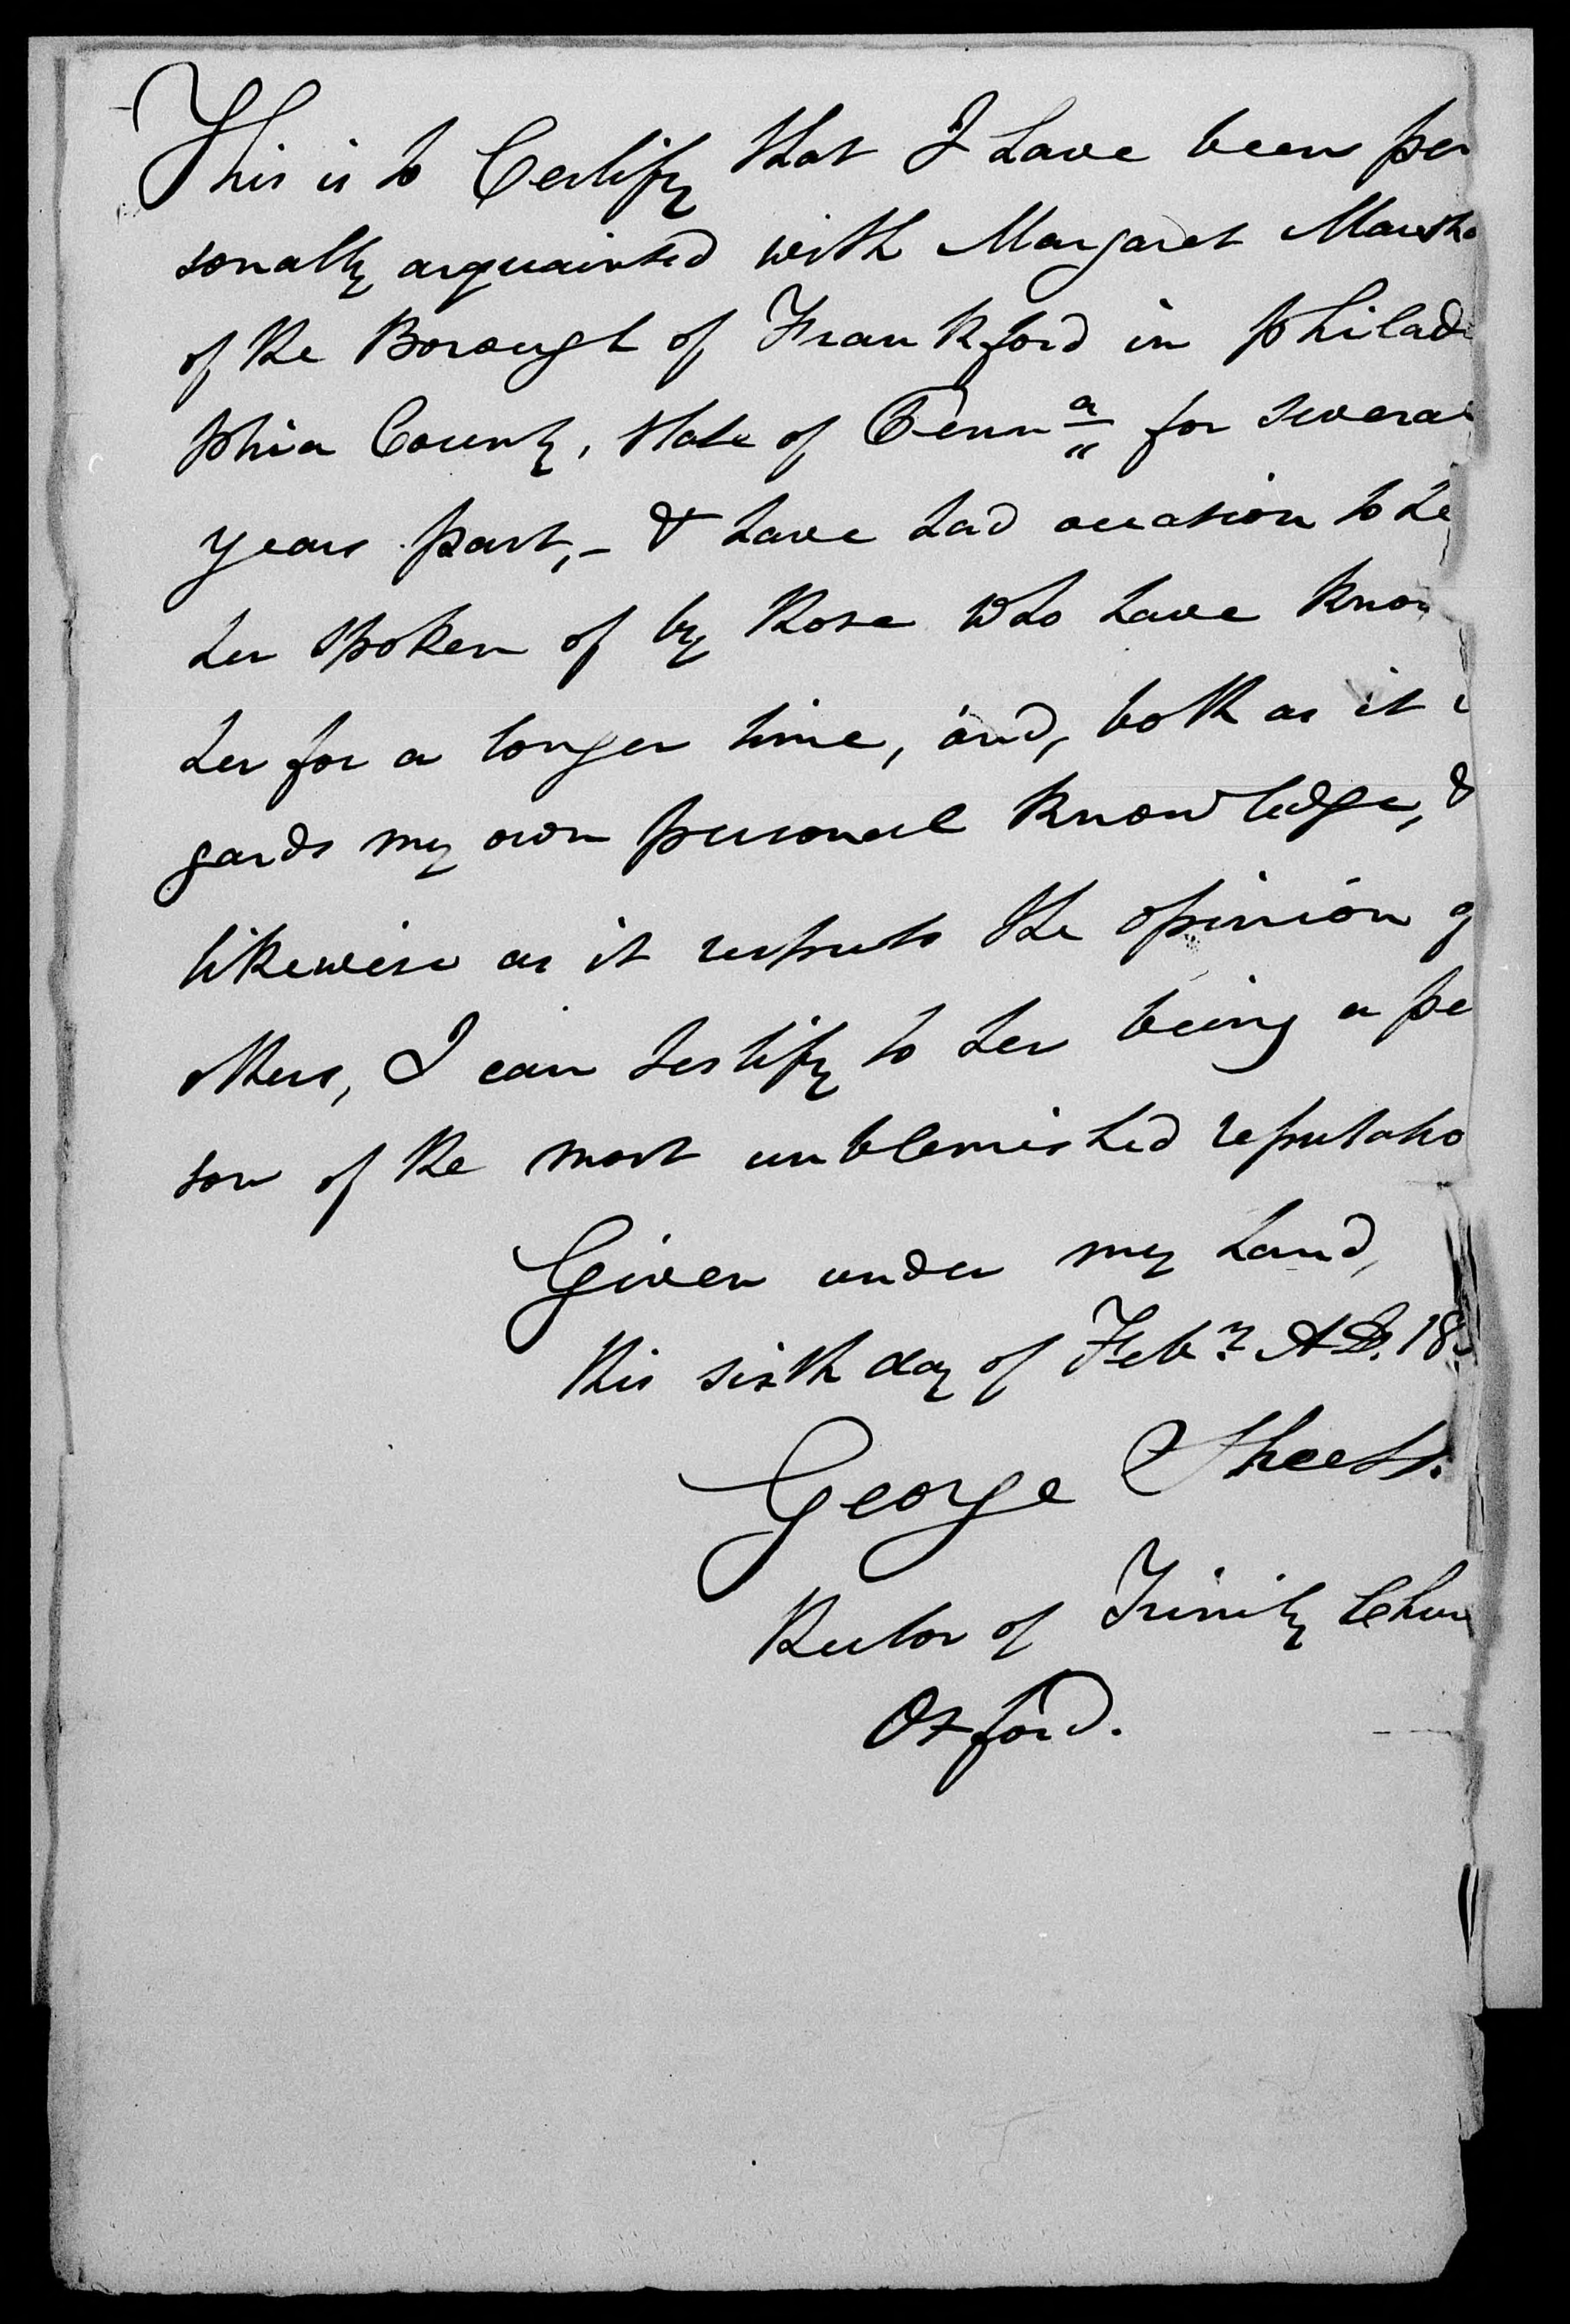This is to Certify that I have been personally
 acquainted with Margaret Marshall of the Borough of Frankford in Philadelphia County, State of Penn for several years past, & have had occasion to hear her spoken of by those who have known her for a longer time, and both as it regards my own personal knowledge, & likewise as it respects the opinion of others, I can testify to her being a person of the most unblemished reputation
Given under my hand
this sixth day of Feb 7 A.D. 18[]
George Shees
Rector of Trinity Church
Oxford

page: 58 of 86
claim: widow's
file: W. 3571, for David Marshall, Pennsylvania